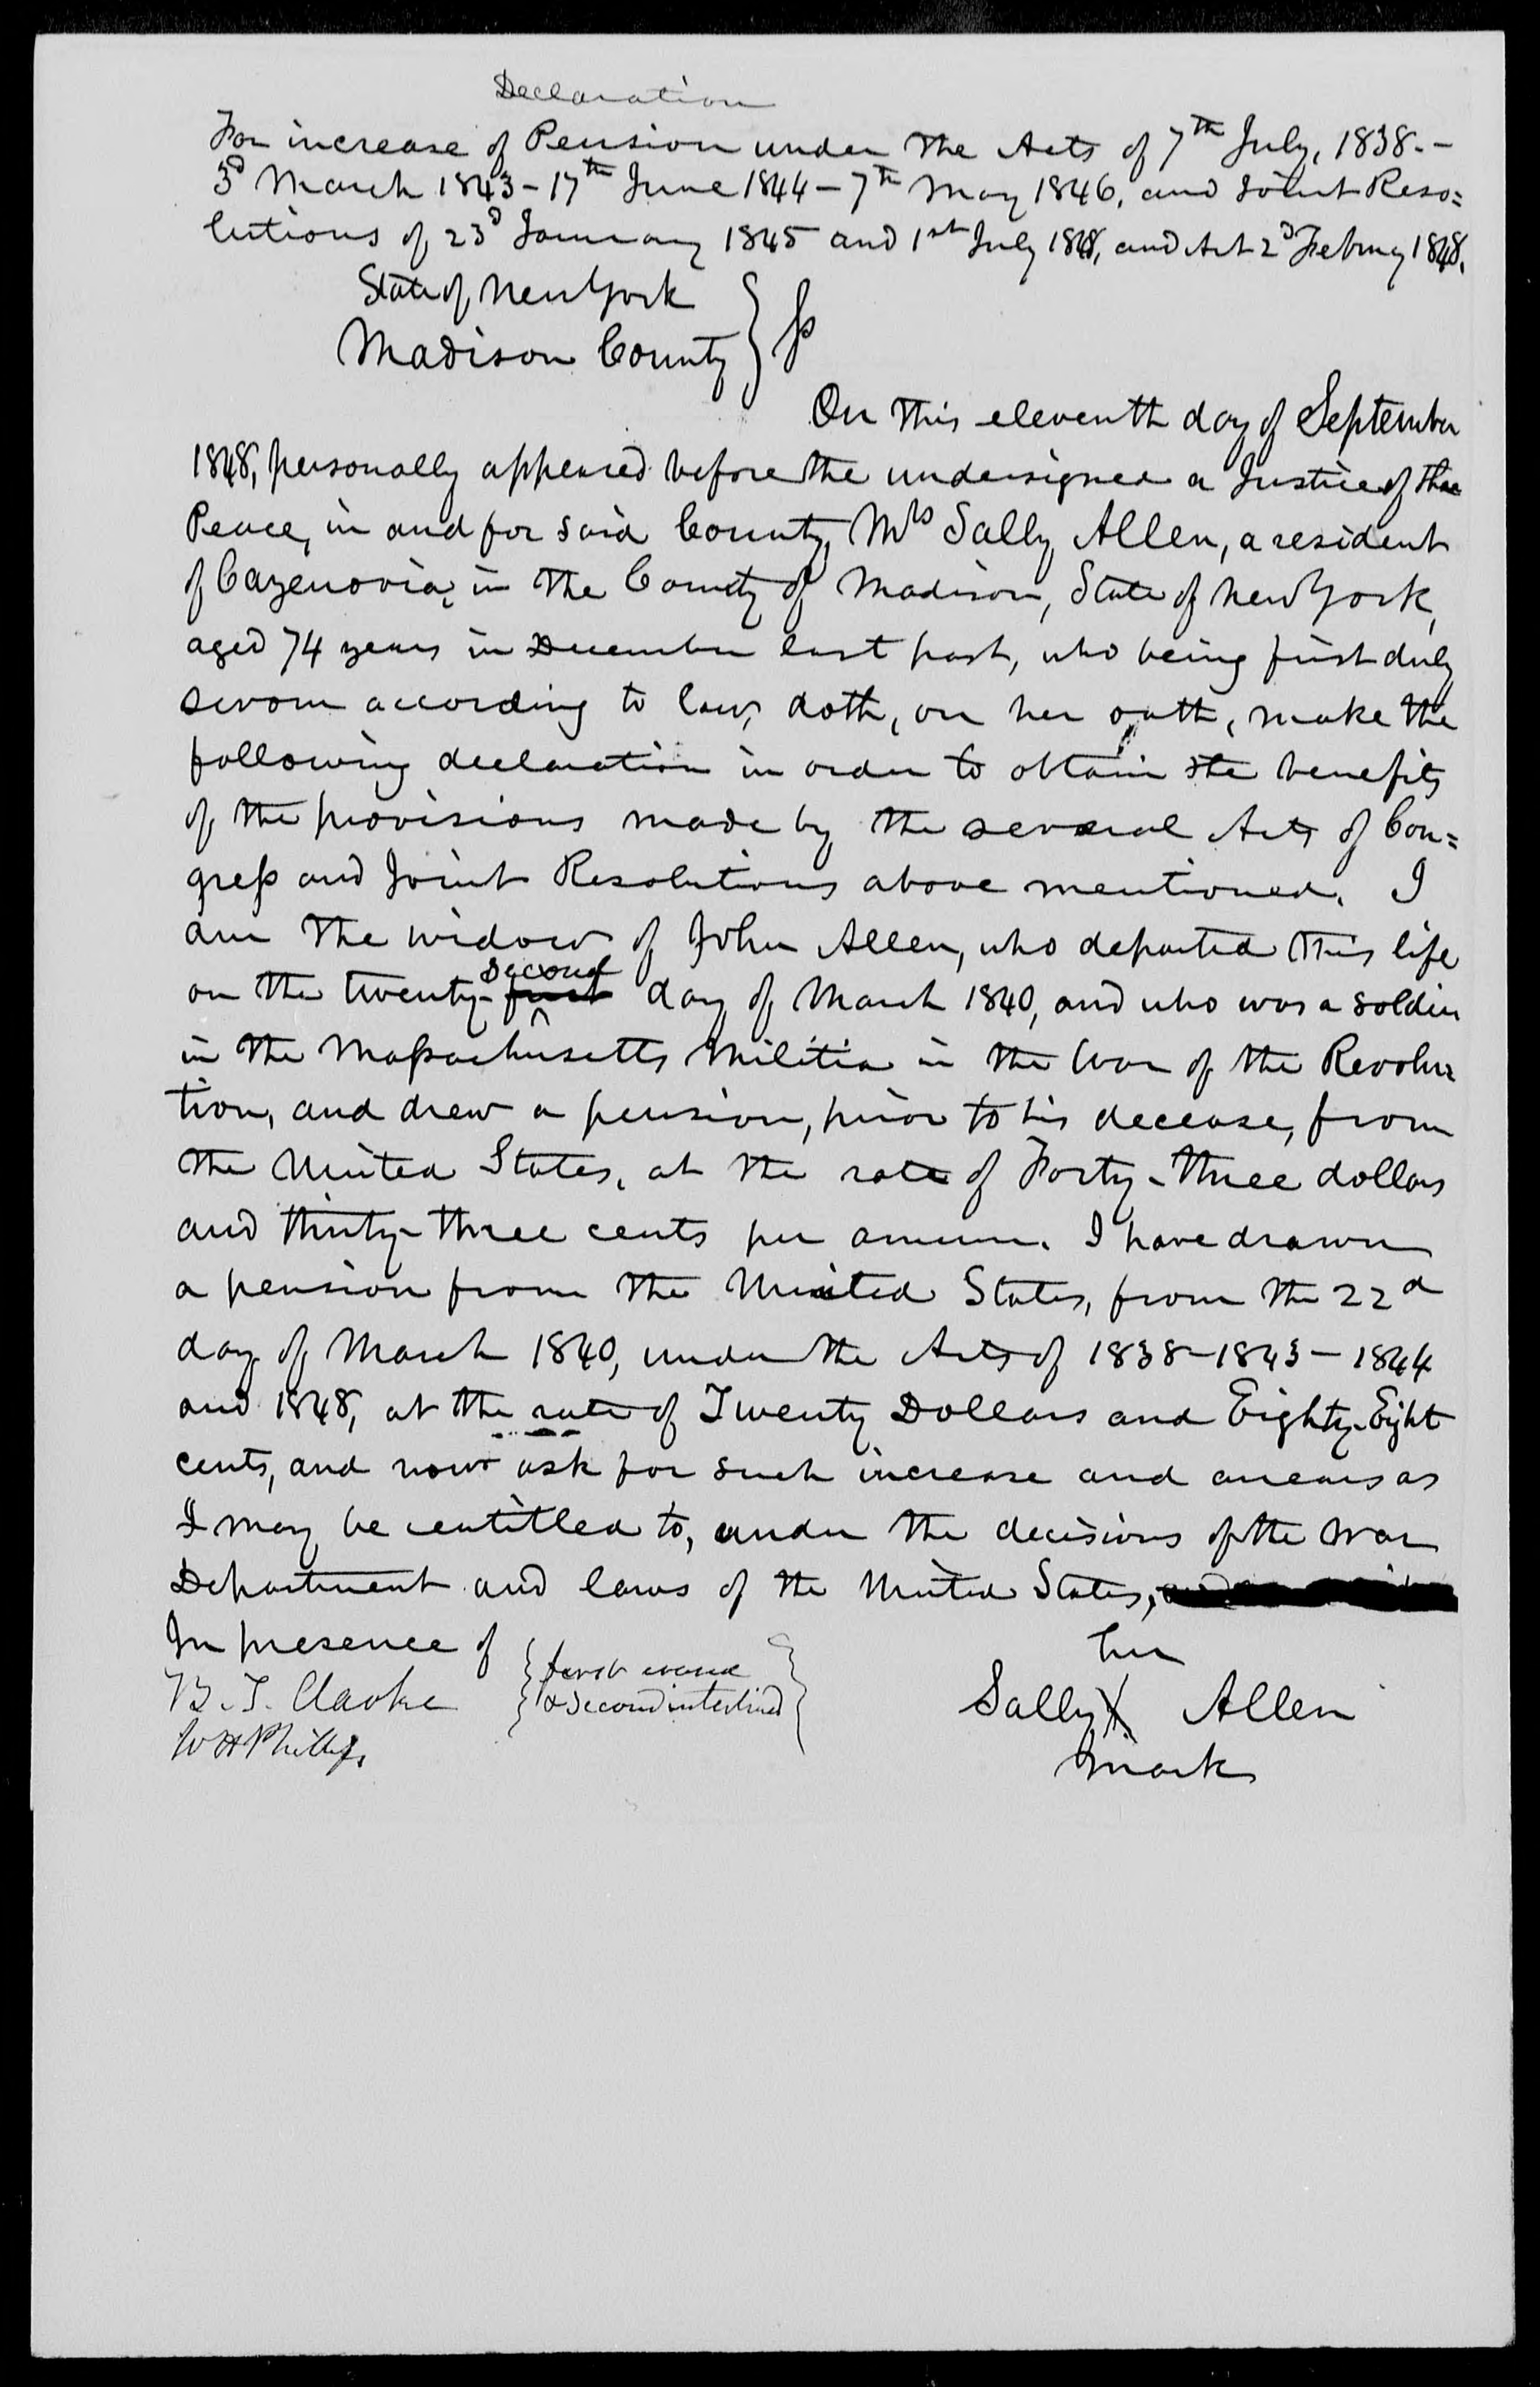Declaration
For increase of Pension under the Acts of 7th July, 1838. -  3d March 1843 - 17th June 1844 - 7th May 1846, and Joint Resolutions of 23d January 1845 and 1st July 1848, and Act 2d Feb 1848
State of New York Madison County} S.S.  On this eleventh day of September 1848, personally appeared before the undersigned a Justice of the Peace in and for said County, Mrs Sally Allen, a resident of Cazenovia in the County of Madison, State of New York aged 74 years in December last past, who being first duly sworn according to law, doth, on her oath, make the following declaration in order to obtain the benefits of the provisions made by the several Acts of Congress and Joint Resolutions above mentioned. I am the widow of John Allen, who departed this life on the twenty ^second [above crossed out word] day of March 1840, and who was a soldier in the Massachusetts Militia in the war of the Revolution, and drew a pension, prior to his decease, from the United States, at the rate of Forty- three dollars and thirty- three cents per annum. I have drawn a pension from the United States, from the 22d day of March 1840, under the Acts of 1838 1843- 1844 and 1848, at the rate of Twenty Dollars and Eighty- Eight cents and now ask for such increase and arrears as I may be entitled to, under the decisions of the war Department and laws of the United States, 
Sally Allen
Her mark X [signature]
In presence of             {first [illegible] & second interlined}
B. T. Clarke W A Phillips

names: John Allen, Sally Allen, B T Clarke, Sally Allen, W H Phillips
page: 45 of 74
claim: widow's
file: W. 23424, John Allen, Mass. R. I.